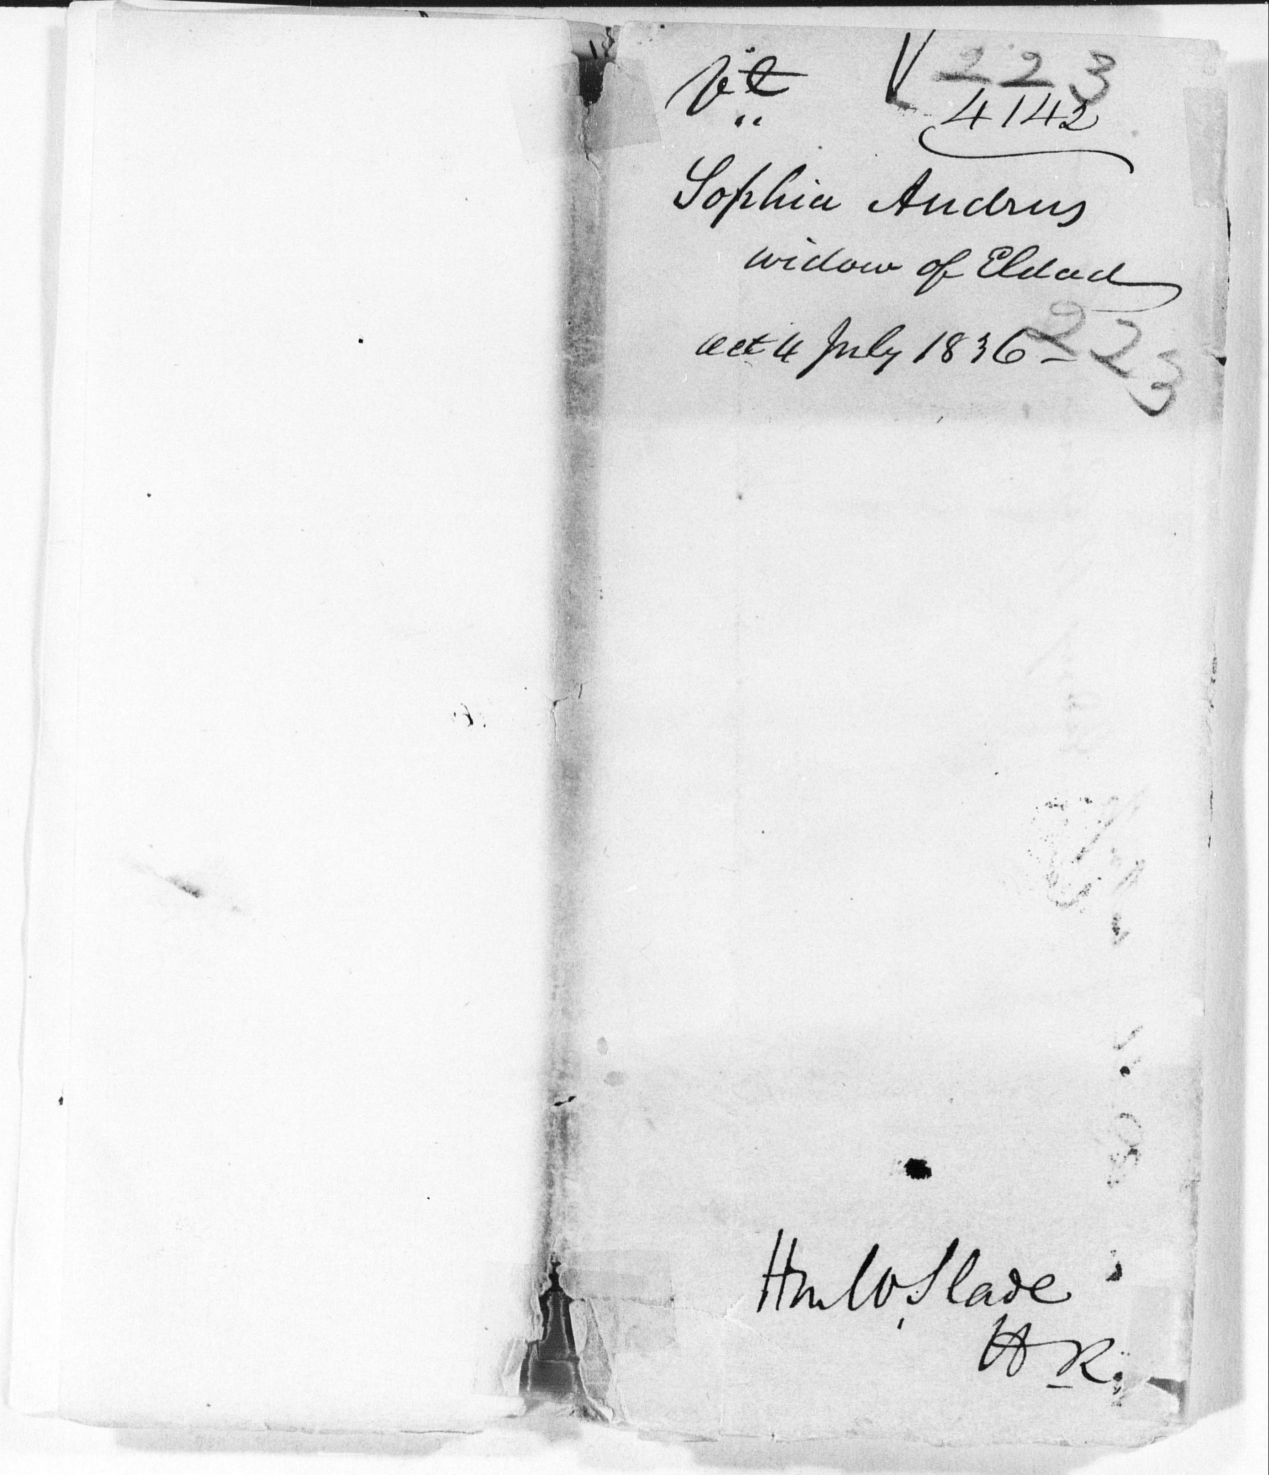Vt.  V 223/4142

Sophia Andrews widwod of Eldad
Act 4 July 1836-223

Hon. W. Slade Hr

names: W Slade, Sophia Andrus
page: 21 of 27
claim: rejected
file: R. 223, Eldad Andrus, Vt.